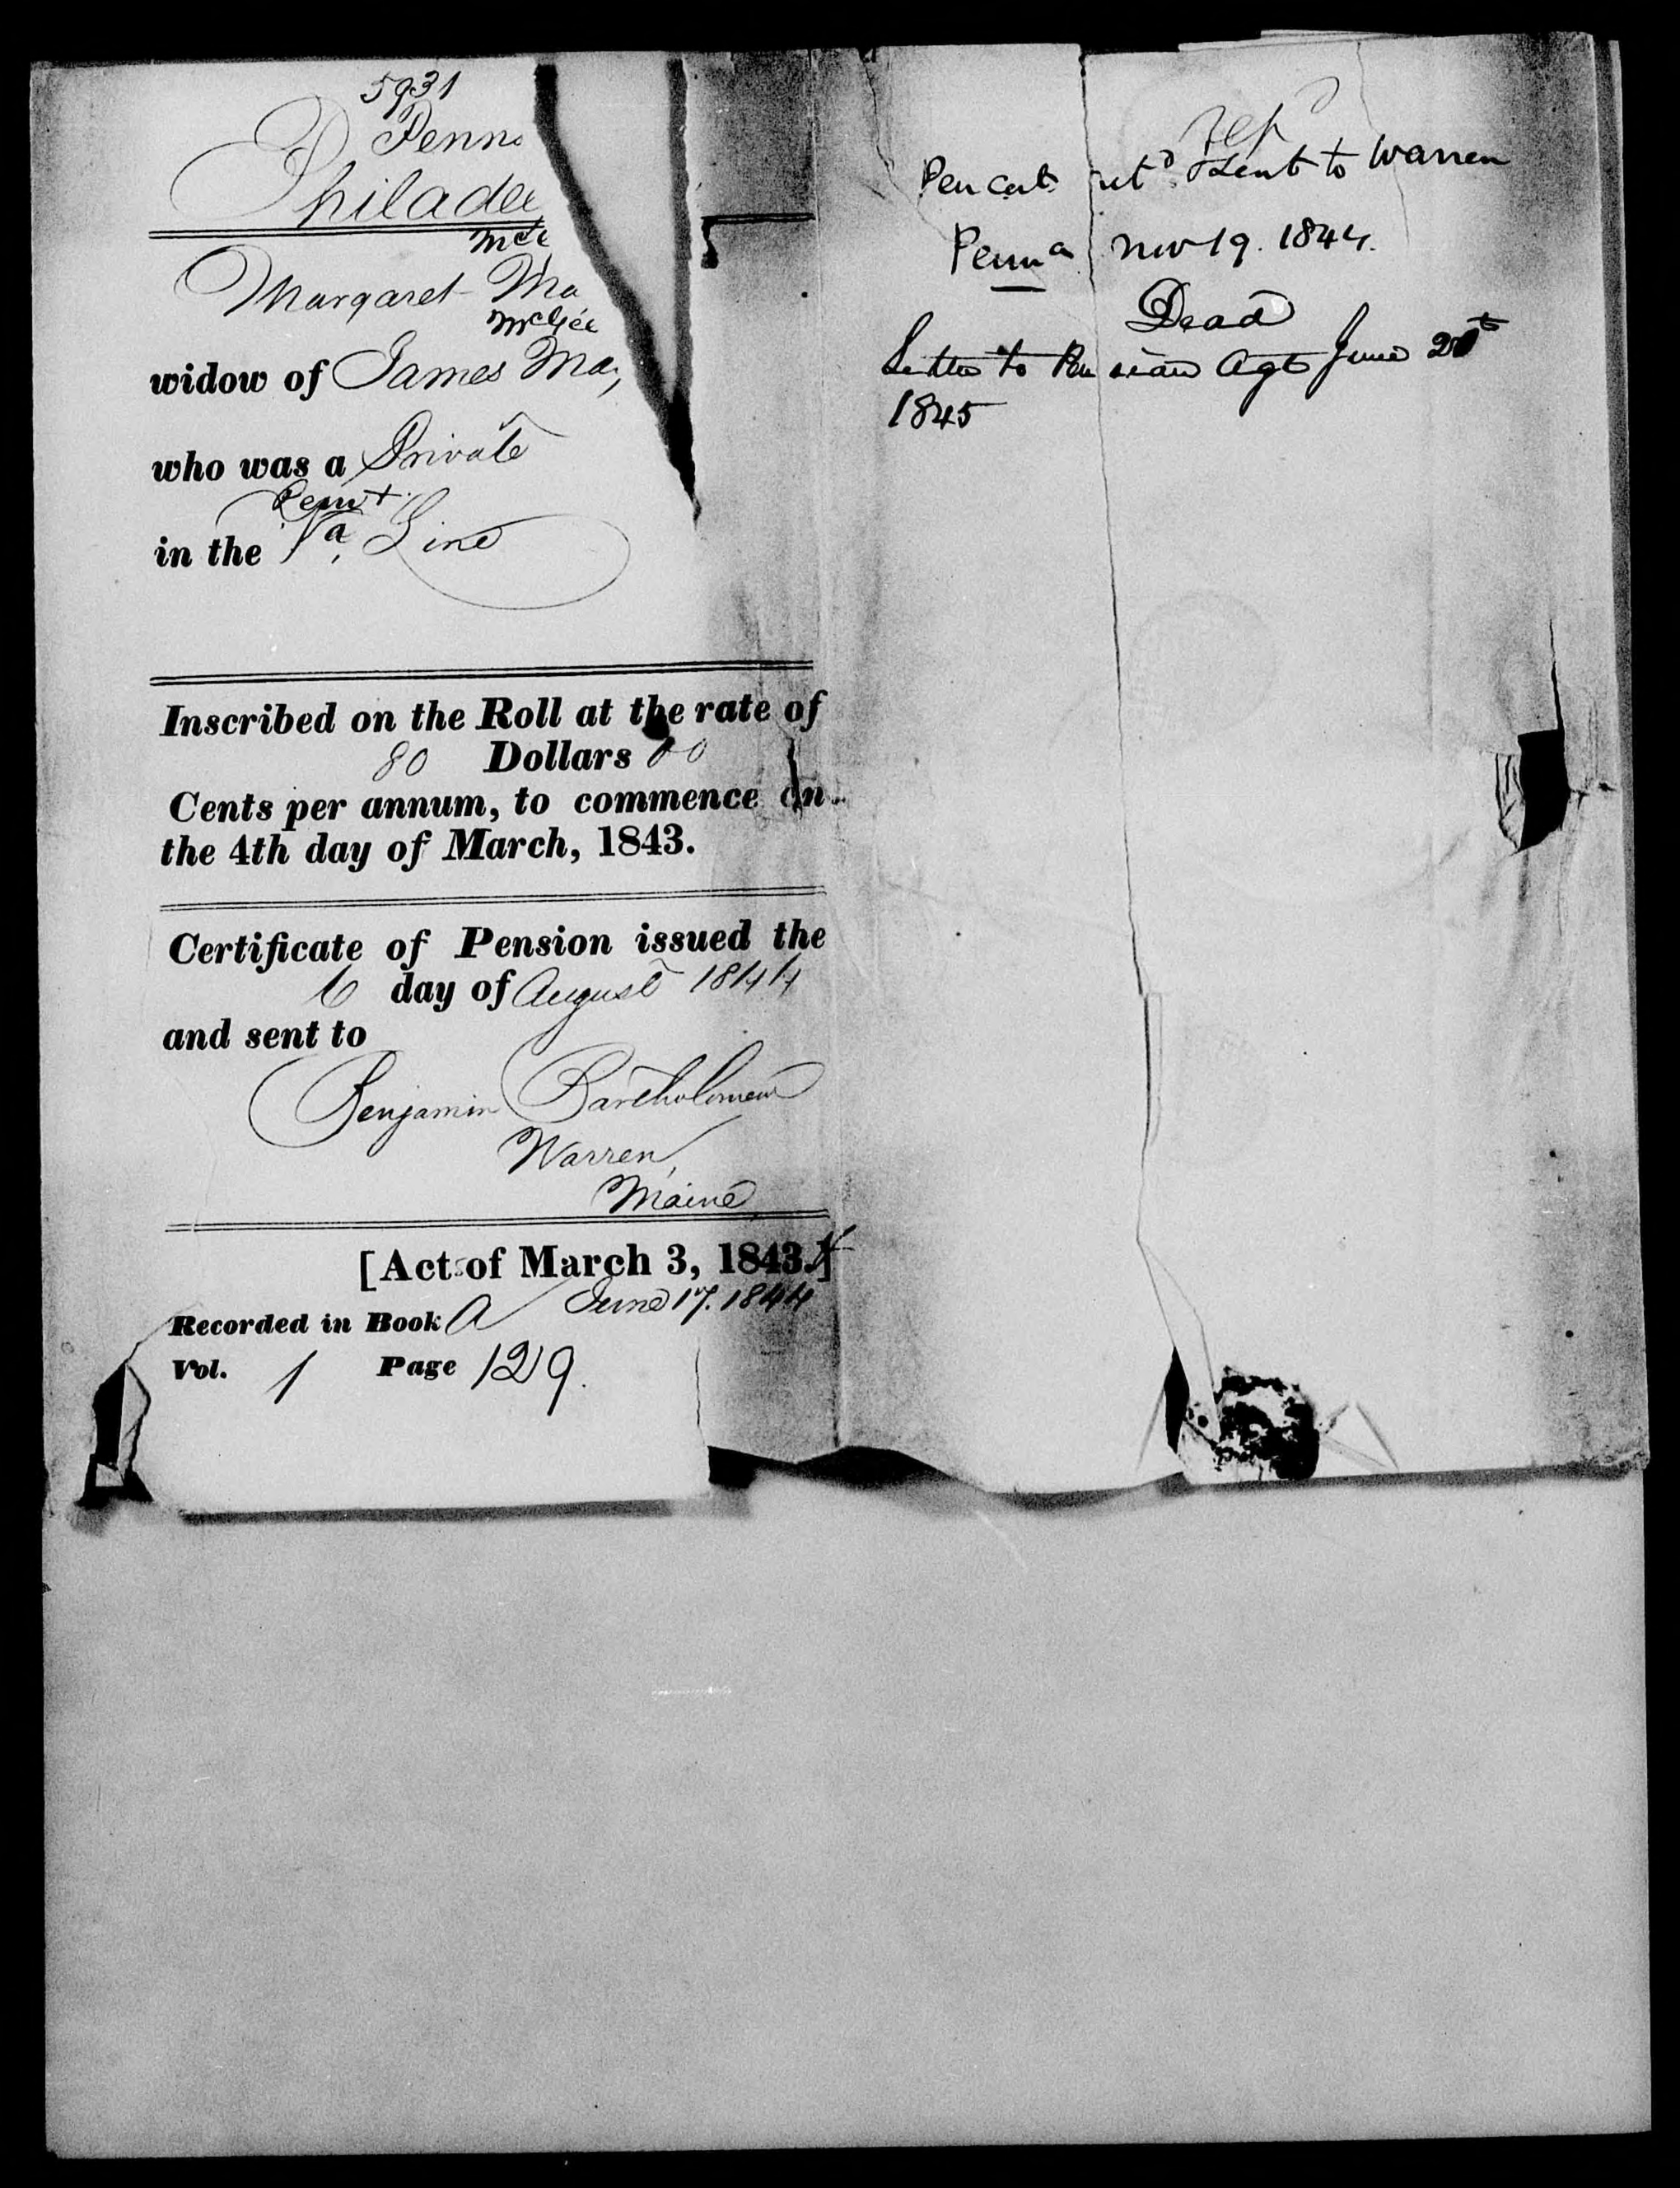5931 
Penn[sylvania - torn off]
Philade[lphia - torn off]
Margaret M? McGee widow of James McGee who was a Private in the Penn & Va Line 

Inscribed on the Roll at the rate of 80 Dollars 00 Cents per annum, to commence the 4th day of March, 1843. 
Certificate of Pension issued the 6 day of August 1844 and sent to Benjamin Bartholomew Warren Maine

{Act of March 3, 1843}
Recorded in Book A June 17, 1844 Vol. 1Page 129. 

Pen cert [illegible] sent to Warren Penna Nov 19 1844
Dead
Letters to Pension Agt June 20th 1845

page: 3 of 77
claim: widow's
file: W 2954, for James Mc Gee, Delaware